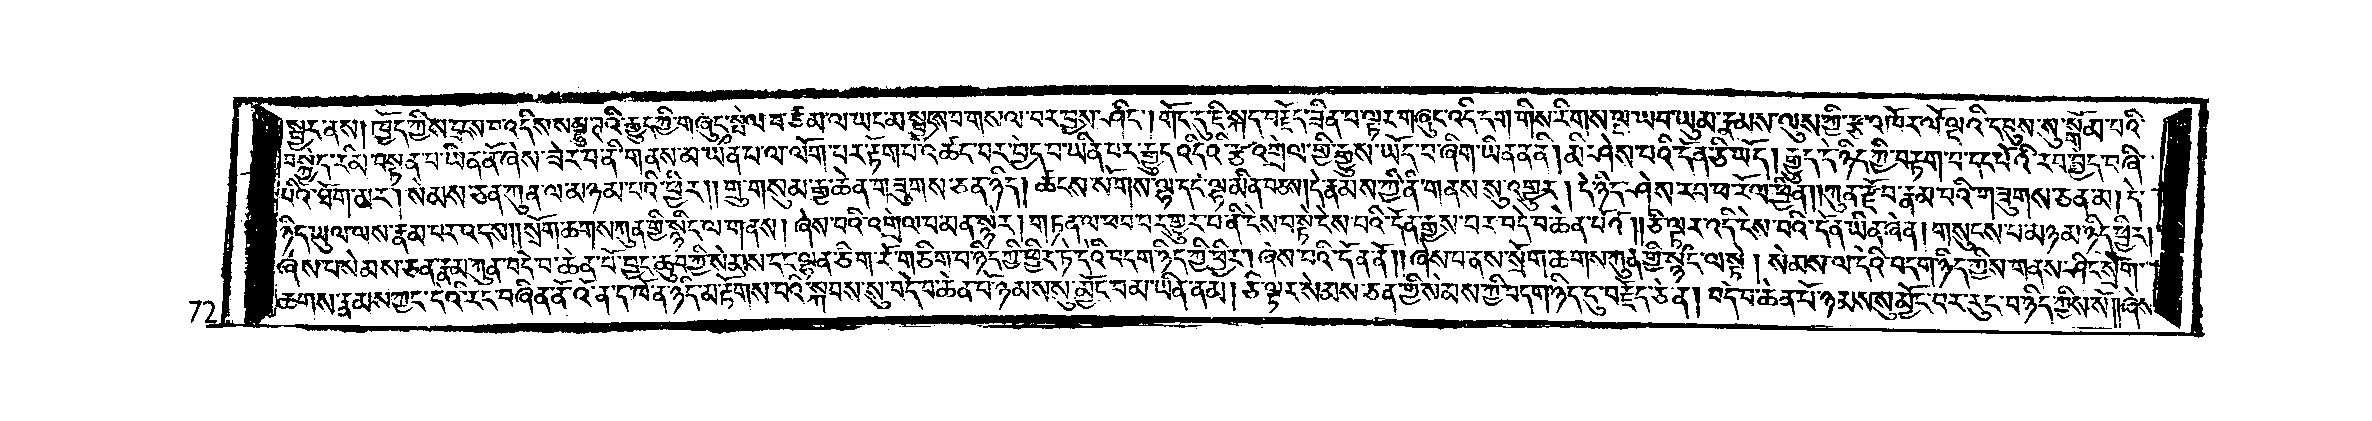སྦྱར་ནས། ཁྱོད་ཀྱིས་དྲངས་པ་འདིས་སམྦྷུ་ཊའི་རྒྱུད་ཀྱི་གཞུང་སྤེལ་བ་ཙམ་ལ་ཡང་མ་སྦྱངས་པ་གསལ་བར་བྱས་ཤིང་། གོང་དུ་ཇི་སྐད་བརྗོད་ཟིན་པ་ལྟར་གཞུང་འདི་དག་གིས་རིགས་ལྔ་ཡབ་ཡུམ་རྣམས་ལུས་ཀྱི་རྩ་འཁོར་ལོ་ལྔའི་དབུས་སུ་སྒོམ་པའི་
བསྐྱེད་རིམ་བསྟན་པ་ཡིན་ནོ་ཞེས་ཟེར་བ་ནི་གནས་མ་ཡིན་པ་ལ་ལོག་པར་རྟོག་པ་འཚང་བར་བྱེད་པ་ཡིན་པར་རྒྱུད་འདིའི་རྩ་འགྲེལ་གྱི་རྒྱུས་ཡོད་པ་ཞིག་ཡིན་ན་ནི། མི་ཤེས་པའི་དོན་ཅི་ཡོད། རྒྱུད་དེ་ཉིད་ཀྱི་བརྟཝག་པ་དང་པོའི་རབ་བྱེད་བཞི་
པའི་ཐོག་མར། སེམས་ཅན་ཀུན་ལ་མཉམ་པའི་ཕྱིར། །གྲུབ་གསུམ་རྒྱ་ཆེན་གཟུགས་ཅན་ཉིད། ཚངས་སོགས་ལྷ་དང་ལྷ་མིན་བཅས། དེ་རྣམས་ཀྱི་ནི་གནས་སུ་འགྱུར། དེ་ཉིད་ཤེས་རབ་ཕ་རོལ་ཕྱིན། ཀུན་རྫོབ་རྣམ་པའི་གཟུགས་ཅན་མ།
དེ་ཉིད་ཡུལ་ལས་རྣམ་པར་འདས། །སྲོག་ཆག་ཀུན་གྱི་སྙིང་ལ་གནས། ཞེས་པའི་འགྲེལ་བ་མན་སྙེར། གཏན་ལ་ཕབ་པར་གྱུར་བ་ནི་ངེས་པ་སྟེ་ངེས་པའི་དོན་རྒྱས་པར་བདེ་བ་ཆེན་པོའོ། །ཅི་ལྟར་འདི་ངེས་པའི་དོན་ཡིན་ཞེ་ན། གསུངས་པ་མཉམ་ཉིད་ཕྱིར།
ཞེས་པ་སེམས་ཅན་རྣམ་ཀུན་བདེ་བ་ཆེན་པོ་བྱང་ཆུབ་ཀྱི་སེམས་དང་ལྷན་ཅིག་རོ་གཅིག་པ་ཉིད་ཀྱི་ཕྱིར་ཏེ་དེའི་བདག་ཉིད་ཀྱི་ཕྱིར། ཞེས་པའི་དོན་ནོ། །ཞེས་པ་ནས་སྲོག་ཆགས་ཀུན་གྱི་སྙིང་ལ་སྟེ། སེམས་ལ་དེའི་བདག་ཉིད་ཀྱིས་གནས་ཤིང་སྲོག་
ཆགས་རྣམས་ཀྱང་དེའི་རང་བཞིན་ནོ་འོ་ན་དེ་ཁོ་ན་ཉིད་མ་རྟོགས་པའི་སྐབས་སུ་བདེ་བ་ཆེན་པོ་ཉམས་སུ་མྱོང་བ་མ་ཡིན་ནམ། ཅི་ལྟར་སེམས་ཅན་གྱི་སེམས་ཀྱི་བདག་ཉིད་དུ་བརྗོད་ཅེ་ན། བདེ་བ་ཆེན་པོ་ཉམས་སུ་མྱོང་བར་རུང་བ་ཉིད་ཀྱིས་སོ། །ཞེ་